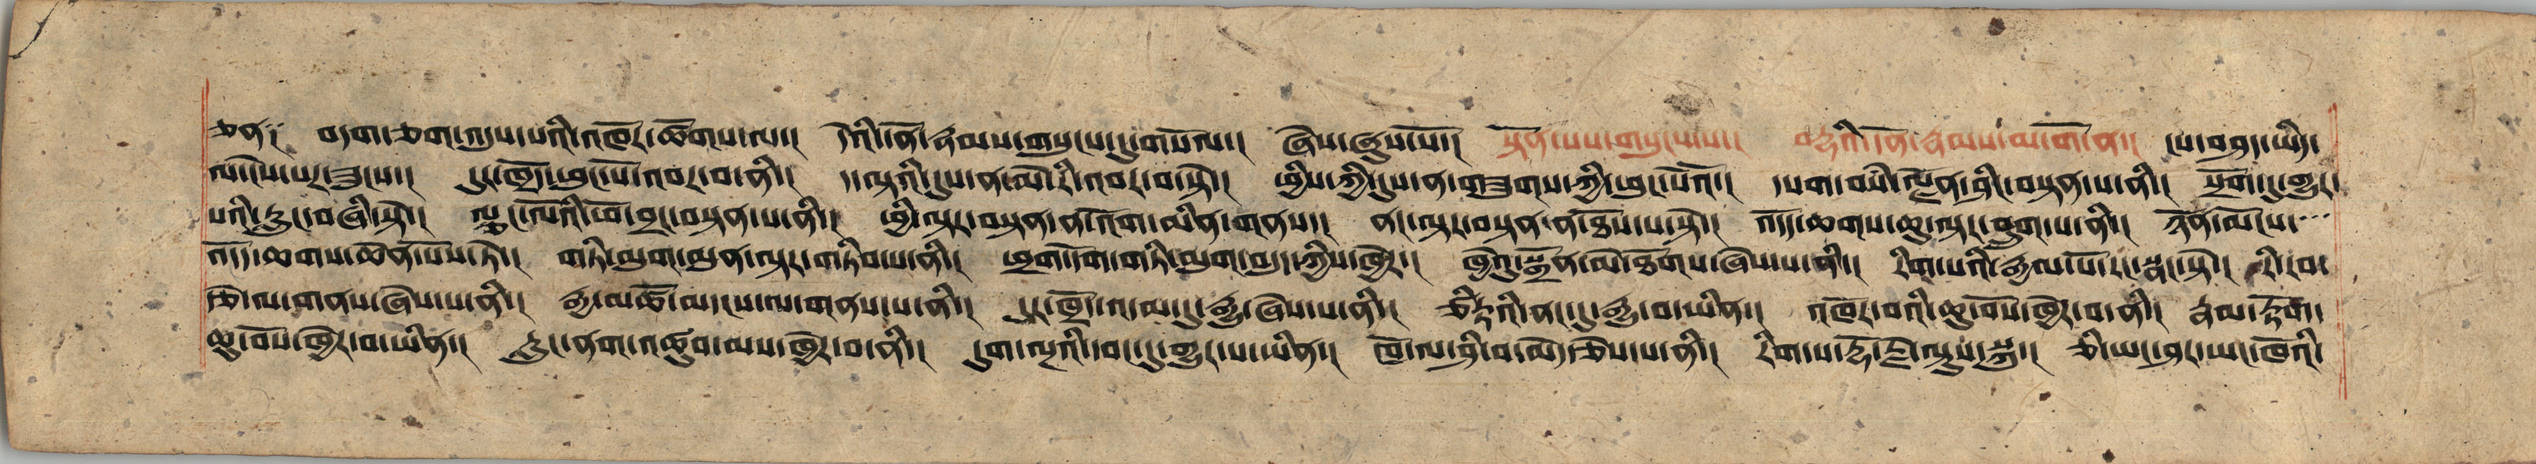ཅན༑ བདག་ཅག་འདུས་པའི་འཁོར་ཚོགས་ལ་། དེའི་དོན་རྣམས་གསུངས་དུ་གསོལ་། ཞེས་ཞུས་སོ་། སྟོན་པས་གསུངས་པས་། བརྡའི་དོན་རྣམས་མ་གོ་ན་། ངས་བཤད་ཡིན་
ལ་ངེས་པར་ཟུངས་། དུར་ཁྲོད་ཕུང་པོ་འབར་བ་ནི་། ད་ལྟའི་དུས་ན་མེ་རི་འབར་བ་སྟེ་། ཕྱིས་ཀྱི་དུས་ན་གཟུགས་ཀྱི་ཕུང་པོའོ་། དཔག་བསཾ་ལྗོན་ཤིང་བསྟན་པ་ནི་། སྲོག་དུ་གྱུར་་
པའི་རླུང་བཞི་སྟེ་། ལྕང་ལོའི་ཕོ་བྲང་བསྟན་པ་ནི་། ཕྱི་ལྟར་བསྟན་ན་འོག་མིན་གནས་། ནང་ལྟར་བསྟན་ན་ཐོས་པ་སྟེ་། འདོད་ཆགས་ཆུ་ལྟར་བླུག་པ་ནི་། ཉོན་མོངས་
འདོད་ཆགས་ཆེན་པོས་ཏེ་། གཏི་མུག་མུན་ལྟར་བཏིབ་པ་ནི་། ཕྲག་དོག་གཏི་མུག་བདུད་ཀྱིས་ཁྱེར་། ཁྱེའུ་སྒྲོན་མེ་ཐོགས་ཞེས་པ་ནི་། རིག་པའི་རྒྱལ་པོ་རང་སྣང་སྟེ་། རི་རབ་
རྩེ་ལ་གནས་ཞེས་པ་ནི་། རྒྱ་མཚོ་མདངས་ལ་གནས་པ་ནི་། དུར་ཁྲོད་འདམ་དུ་རྒྱུ་ཞེས་པ་ནི་། ཙིཏྟའི་ནང་དུ་རྒྱུ་བ་ཡིན་། འཁོར་བའི་ཆུ་བོས་ཁྱེར་བ་ནི་། རྣམ་རྟོག་
ཆུ་བོས་ཁྱེར་བ་ཡིན་། རླུང་ནག་འཚུབ་མས་ཁྱེར་བ་ནི་། དུག་ལྔའི་དབང་དུ་གྱུར་པ་ཡིན་། ཁོ་ལ་ཤི་བ་མེད་ཅེས་པ་ནི་། རིག་པ་རྡོ་རྗེ་ལྟུས་སྐུ་། ཅི་ཡང་ཤར་ཡང་ཁོའི་